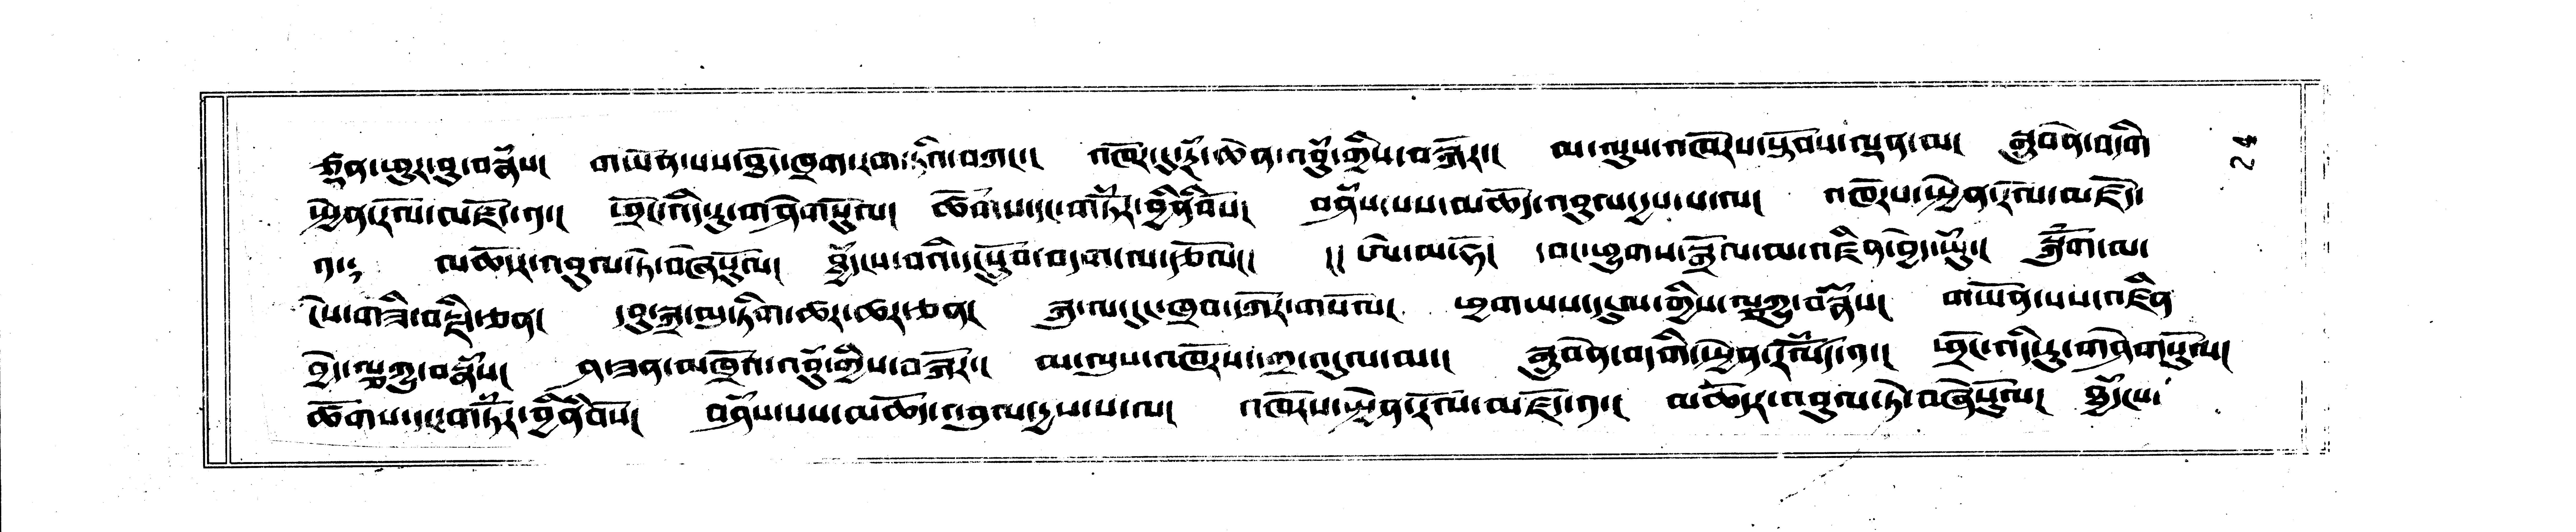ཙྡན་ཕྱུར་བུ་བསྣམས། གཡོན་པས་ཐོད་ཁྲག་རག་ཏའི་བཀང་། འཁོར་དུ་རྔམ་ཆེན་འབུམ་གྱིས་བསྐོར། མ་ལུས་འཁོར་བཅས་སྟོབས་ལྡན་མ། སྒྲུབ་ཆེན་བདག་གིས་
སྤྱན་འདྲེན་རོལ་མཛོད་ཅིག ཕོ་བྲང་འདི་རུ་གཤེགས་སུ་གསོལ། ཚོགས་དང་གཏོར་མ་བྱིན་གྱིས་རློབས། བཤམས་པའི་མཆོད་འབུལ་རྒྱས་པ་ལ། འཁོར་བཅས་སྤྱན་འདྲེན་རོལ་མཛོད་
ཅིག མཆོད་པར་འབུལ་ཏེ་བཞེས་སུ་གསོལ། ཐུགས་དམ་བསྐངས་བའི་དངོས་གྲུབ་བདག་ལ་རྩོལ། །།ཨེ་མ་ཧོ། དབང་ཕྱུག་སྒྲོལ་མ་འཛིན་བྱེད་ཡུམ། སྐུ་མདོག་མ་
ངེས་གཟི་བརྗིད་ཅན། དབུ་སྐྲ་མུ་ཏིག་ཚར་ཚར་ཅན། སྐུ་ལ་དུང་ཁྲབ་དཀར་པོ་གསོལ། ཕྱག་གཡས་དངུལ་གྱི་ལྕག་ཀྱུ་བསྣམས། གཡོན་པས་འཛིན་
བྱེད་ལྕག་ཀྱུ་བསྣམས། ཤ་ཟན་མཁའ་འགྲོ་འབུམ་གྱིས་བསྐོར། མ་ལུས་འཁོར་བཅས་དགྲ་འདུལ་མ། སྒྲུབ་ཆེན་བདག་གིས་སྤྱན་འདྲེན་རོལ་མཛོད་ཅིག ཕོ་བྲང་འདི་རུ་གཤེགས་སུ་གསོལ། 
ཚོགས་དང་གཏོར་མ་བྱིན་གྱིས་རློབས། བཤམས་པས་མཆོད་འབུལ་རྒྱས་པ་ལ། འཁོར་བཅས་སྤྱན་འདྲེན་རོལ་མཛོད་ཅིག མཆོད་པར་འབུལ་ཏེ་བཞེས་སུ་གསོལ། ཐུགས་དམ་བསྐངས་